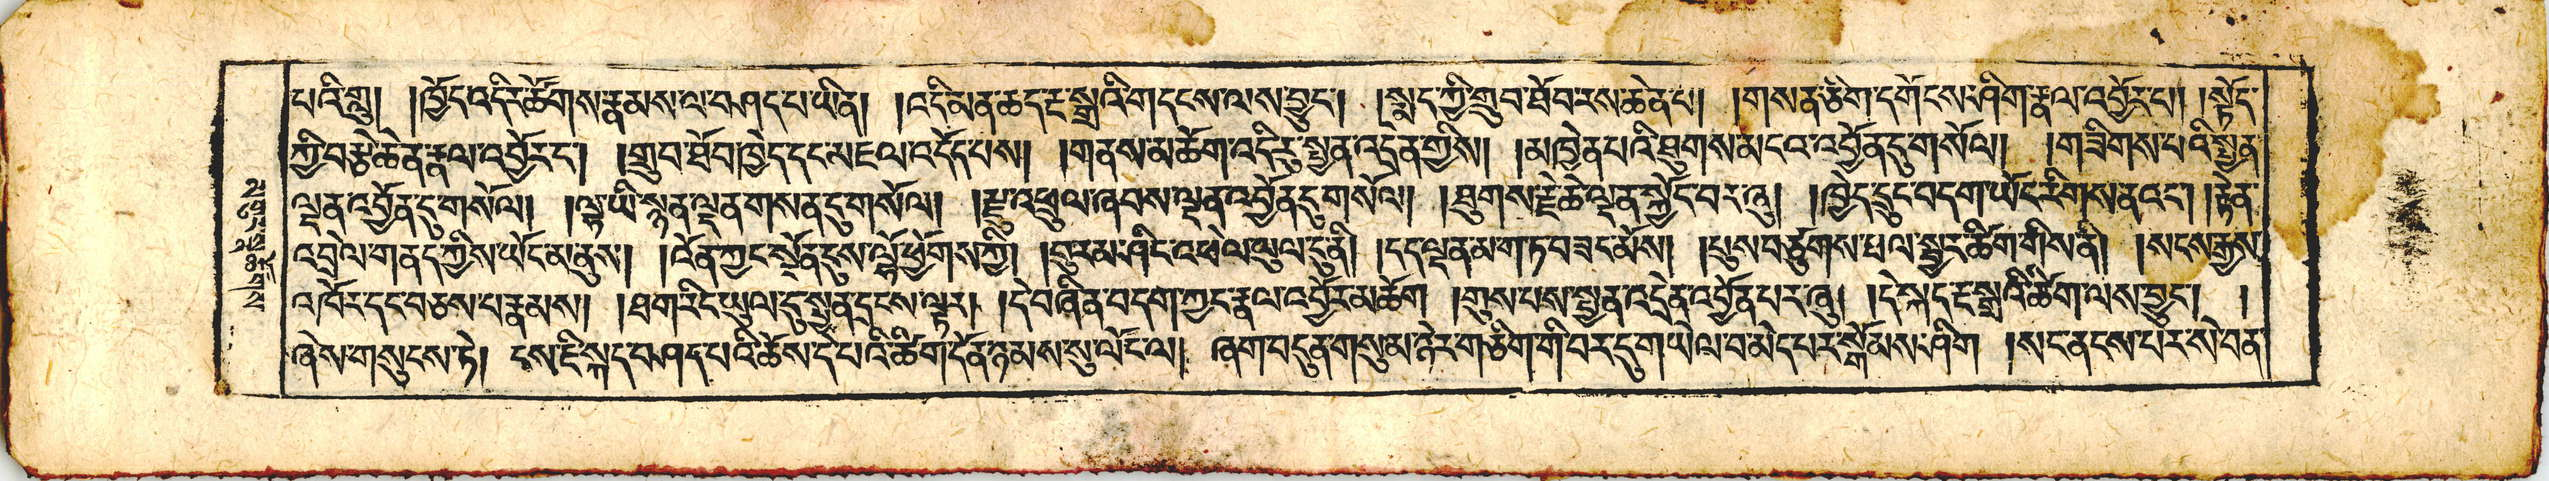པའི་གླུ། །ཁྱོད་འདིར་ཚོགས་རྣམས་ལ་བཤད་པ་ཡིན། །འདི་མན་ཆད་རྔ་སྒྲའི་གདངས་ལས་བྱུང་། །སྨད་ཀྱི་གྲུབ་ཐོབ་རས་ཆེན་པ། །གསན་ཅིག་དགོངས་ཤིག་རྣལ་འབྱོར་པ། །སྟོད་
ཀྱི་བརྩེ་ཆེན་རྣལ་འབྱོར་དེ། །གྲུབ་ཐོབ་ཁྱེད་དང་མཇལ་འདོད་པས། །གནས་མཆོག་འདི་རུ་སྤྱན་འདྲེན་གྱིས། །མཁྱེན་པའི་ཐུགས་མངའ་འབྱོན་དུ་གསོལ། །གཟིགས་པའི་སྤྱན་
ལྡན་འབྱོན་དུ་གསོལ། །ལྷ་ཡི་སྙན་ལྡན་གསན་དུགསོལ། །རྫུ་འཕྲུལ་ཞབས་ལྡན་འབྱོན་དུགསོལ། །ཐུགས་རྗེ་ཆེ་ལྡན་སྐྱོང་བར་ཞུ། །ཁྱེད་དྲུང་བདག་ཡོང་རིགས་ནའང་། །རྟེན་
འབྲེལ་གནད་ཀྱིས་ཡོང་མ་ནུས། །འོན་ཀྱང་སྔོན་དུས་ལྷོ་ཕྱོགས་ཀྱི། །བུ་རམ་ཤིང་འཕེལ་ཡུལ་དུ་ནི། །དད་ལྡན་མ་ག་ཏ་བཟང་མོས། །པུས་བཙུགས་ཐལ་སྦྱར་ཚིག་གིས་ནི། །སངས་རྒྱས་
འཁོར་དང་བཅས་པ་རྣམས། །ཐག་རིང་ཡུལ་དུ་སྤྱན་དྲངས་ལྟར། །དེ་བཞིན་བདག་ཀྱང་རྣལ་འབྱོར་མཆོག །གུས་པས་སྤྱན་འདྲེན་འབྱོན་པར་ཞུ། །དེ་སྐད་རྔ་སྒྲའི་ཚིག་ལས་བྱུང་། །
ཞེས་གསུངས་ཏེ། ངས་ཇི་སྐད་བཤད་པའི་ཆོས་དེ་པའི་ཚིག་དོན་ཉམས་སུ་ལོང་ལ། ཞག་བདུན་གསུམ་ཉེར་གཅིག་གི་བར་དུ་གཡེལ་བ་མེད་པར་སྒོམས་ཤིག །སང་ནངས་པར་སེ་བན་